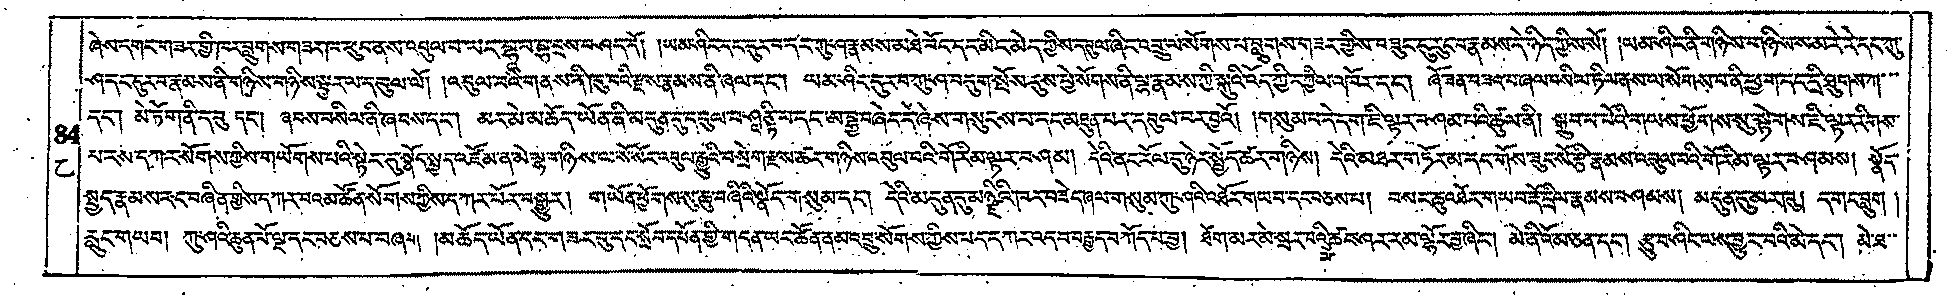ཞེས་དགང་གཟར་གྱི་ཁར་བླུགས་གཟར་ཁ་ཕུབ་ནས་འབུལ་བ་ཡང་བྷཱ་བ་བྷ་དྲས་བཤད་དོ། །ཡམ་ཤིང་དང་དུར་བ་དང་ཀུ་ཤ་རྣམས་མཐེ་བོང་དང་མིང་མེད་ཀྱིས་དབུལ་ཞིང་འབྲུ་ལ་སོགས་པ་བླུགས་གཟར་གྱིས་བཟུང་དུ་རུང་བ་རྣམས་དེ་ཉིད་ཀྱིས་སོ། །ཡམ་ཤིང་ནི་གཉིས་གཉིས་སམ་རེ་རེ་དང་ཀུ་
ཤ་དང་དུར་བ་རྣམས་ནི་གཉིས་གཉིས་སྦྱར་ལ་དབུལ་ལོ། །འབུལ་བའི་གནས་ནི་ཁུ་བའི་རྫས་རྣམས་ནི་ཞལ་དང་། ཡམ་ཤིང་དུར་བ་ཀུ་ཤ་བདུག་སྤོས་རུས་ཕྱེ་སོགས་ནི་ལྷ་རྣམས་ཀྱི་སྐུའི་འོད་ཀྱི་དཀྱིལ་འཁོར་དང་། ཞོ་ཟན་བཟའ་བ་ཞལ་བསིལ་ཏིལ་ནས་ལ་སོགས་པ་ནི་ཕྱག་དང་དྲི་ཐུགས་ཀ་་་
དང་། མེ་ཏོག་ནི་དཔུ་དང་། ཞབས་བསིལ་ནི་ཞབས་དང་། མར་མེ་མཆོད་ཡོན་ནི་མདུན་དུ་དབུལ་བ་ཤཱནྟི་པ་དང་ཨ་བྷྱ་བཞེད་དེ་ཞེས་གསུངས་པ་དང་མཐུན་པར་དབུལ་བར་བྱའོ། །གསུམ་པ་དེ་དག་ཇི་ལྟར་བཤམ་པའི་ཚུལ་ནི། སྒྲུབ་པ་པོའི་གཡས་ཕྱོགས་སུ་སྟེགས་ཇི་ལྟར་རིགས་
པ་རས་དཀར་སོགས་ཀྱིས་གཡོགས་པའི་སྟེང་དུ་སྣོད་སྤྱད་འཛོམ་ན་མེ་ལྷ་གཉིས་ལ་སོ་སོར་འབུལ་རྒྱུའི་བསྲེག་རྫས་ཚར་གཉིས་འབུལ་བའི་གོ་རིམ་ལྟར་བཤམ། དེའི་ནང་རོལ་དུ་ཉེར་སྤྱོད་ཚར་གཉིས། དེའི་མཐར་གཏོར་མ་དང་གོས་ཟུང་སོ་རྩི་རྣམས་འབུལ་བའི་གོ་རིམ་ལྟར་བཤམས། སྣོད་
སྤྱད་རྣམས་རང་བཞིན་གྱིས་དཀར་བའམ་ཚོན་སོགས་ཀྱིས་དཀར་པོར་བསྒྱུར། གཡོན་ཕྱོགས་སུ་ཆུ་བཞིའི་སྣོད་གསུམ་དང་། དེའི་མདུན་དུ་མཉྫིའི་ཁར་བཟེད་ཞལ་གསུམ་ཀུ་ཤའི་འཐོར་གཡབ་དང་བཅས་པ། བསང་ཆུ་འཐོར་གཡབ་རྡོ་དྲིལ་རྣམས་བཤམས། མདུན་དུ་མར་ཁུ། དགང་བླུག །
རླུང་གཡབ། ཀུ་ཤའི་ཆུན་པོ་ལྔ་དང་བཅས་པ་བཞག །མཆོད་ཡོན་དང་གཟར་བུ་དང་སློབ་དཔོན་གྱི་གདན་ཡང་ཚོན་ནམ་འབྲུ་སོགས་ཀྱིས་པད་དཀར་འདབ་བརྒྱུད་བཀོད་པ་བྱ། ཐོག་མར་མེ་སྦར་བའི་མ་ཚང་ཤར་རམ་ལྷོར་བྱ་ཞིང་། མེ་ནི་འོ་མ་ཅན་དང་། རྩུབ་ཤིང་ལས་བྱུང་བའི་མེ་དང་། མེ་ཐ་་་